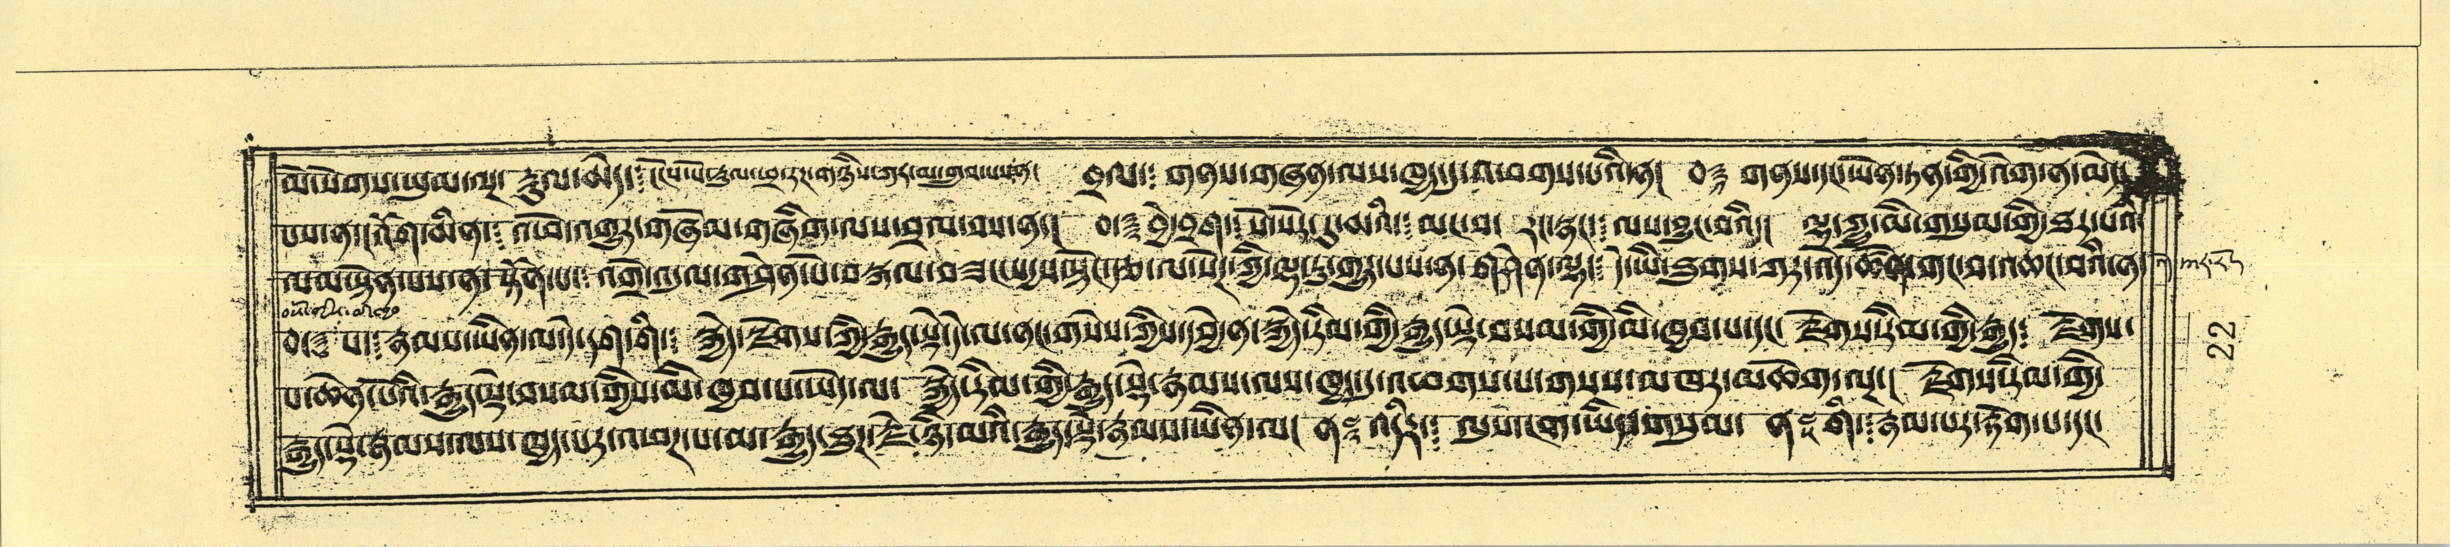མོ་སོགས་ཡུམ་ལྔ། རྡུལ་མེད༑ ༼དངོས་པོ་རྡུལ་ཕྲ་རགས་གཉིས་ཀར་མ་གྲུབ་པས་ན༽བྲལ། གནས་གཞན་ལས་ཁྱད་དུ་འཕགས་པས་ན། བ༣།༡ གནས་དང་ཡོན་ཏན་གྱི་འོག་ན་མེད་
པས་ན་འོག་མིན། འཕོ་འགྱུར་གཞོམ་གཞིག་དང་བྲལ་བས་ན་བ༣།༢ བྱེ་བྲག༑ སོ་སོར་དུ་མའི༑ མང་བ་རང་སྣང་༑ ལས་བྱུང་བའི༑ ལྷ་ཀླུ་མི་གསུམ་གྱི་ཐར་པའི་
ལམ་བསམ་གྱིས་མི་ཁྱབ་སྟོན་པས་ན་སྟོན་པ། འགྲོ་འདུལ་གཤེན་པོ་བསྐལ་བཟང་སངས་རྒྱས་སྟོང་རྩ་ལ་སོགས་ཀྱི་ལྷ་རུ་གྱུར་པས་ན་གཤེན་ལྷ༑ དེ་ཡི་ཐུགས་ཀར་འོད་ཚོན་གང་བ་འཆང་བས་ན་འོད་དཀར་
བ༣།༦ པ༑ རྣམས་ཡིན་ལ་དེ་དག་གི། བསྐྱེད་རྫོགས་ཀྱི་རྒྱུད་སྡེ་དེ་ལ་ནང་གསེས་ཀྱིས་དབྱེ་ན་བསྐྱེད་རིམ་གྱི་རྒྱུད་སྡེ་བསམ་གྱིས་མི་ཁྱབ་པ་དང་། རྫོགས་རིམ་གྱི་རྒྱུད༑ རྫོགས་
པ་ཆེན་པོའི་རྒྱུད་སྡེ་བསམ་གྱིས་མི་ཁྱབ་པར་ཡོད་པ། བསྐྱེད་རིམ་གྱི་རྒྱུད་སྡེ་རྣམས་ལས་ཁྱད་དུ་འཕགས་པ་གསས་མཁར་མཆོག་ལྔ། རྫོགས་རིམ་གྱི་
རྒྱུད་སྡེ་རྣམས་ལས་ཁྱད་པར་འཕགས་པ་མ་རྒྱུད་ཐུགས་རྗེ་ཉི་མའི་རྒྱུད་སྡེ་རྣམས་ཡིན་ལ། ན༤།༢ འདིར༑ ལུས་ངག་ཡིད་གསུམ་ན༤།༥ གི༑ རྣམ་པར་རྟོག་པ་དང་